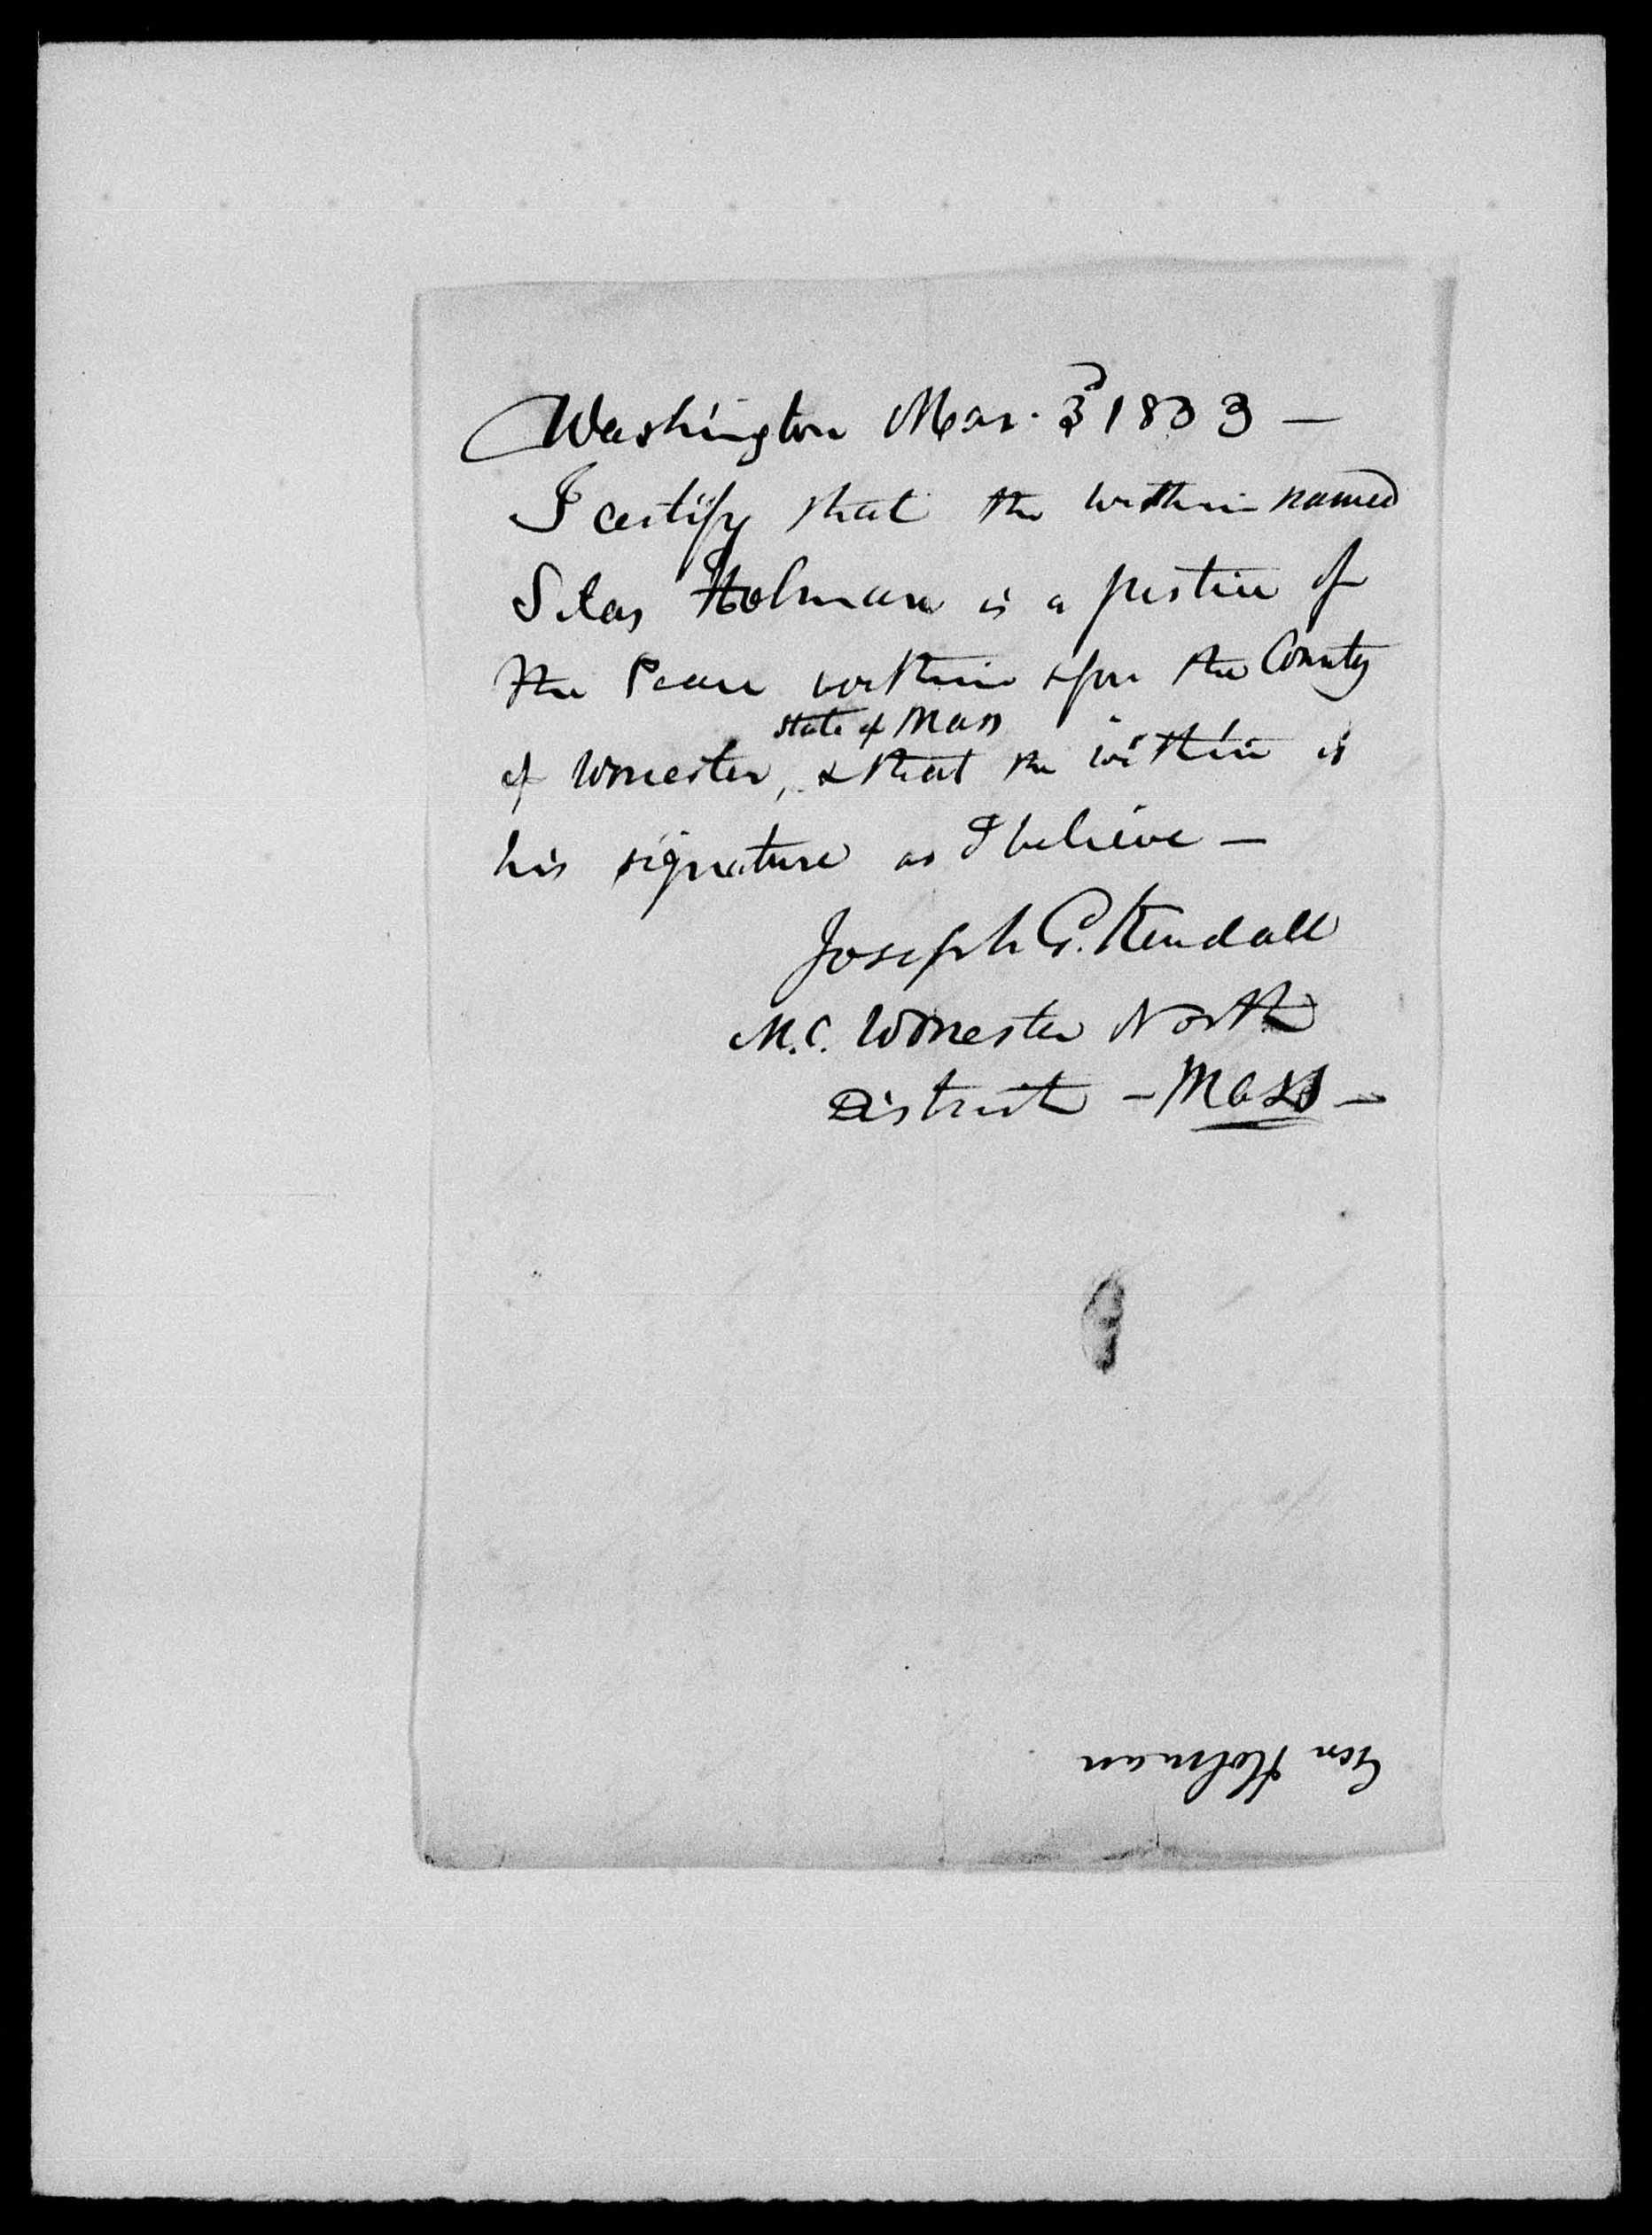Washington  Mar. 3d 1833

I certify that the withing named Silas Holman is a Justice of the Peace within & for the County of Worcester, State of Mass & that the within is his signature as I believe

Signature of Joseph C Kendall
M.C. Worcester North District - Mass

[Text at bottom of document]
Gen Holman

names: Geo Holman, Joseph G Kendall, Silas Holman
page: 10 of 68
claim: survivor's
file: S. 29,877, Daniel Harris, Mass.